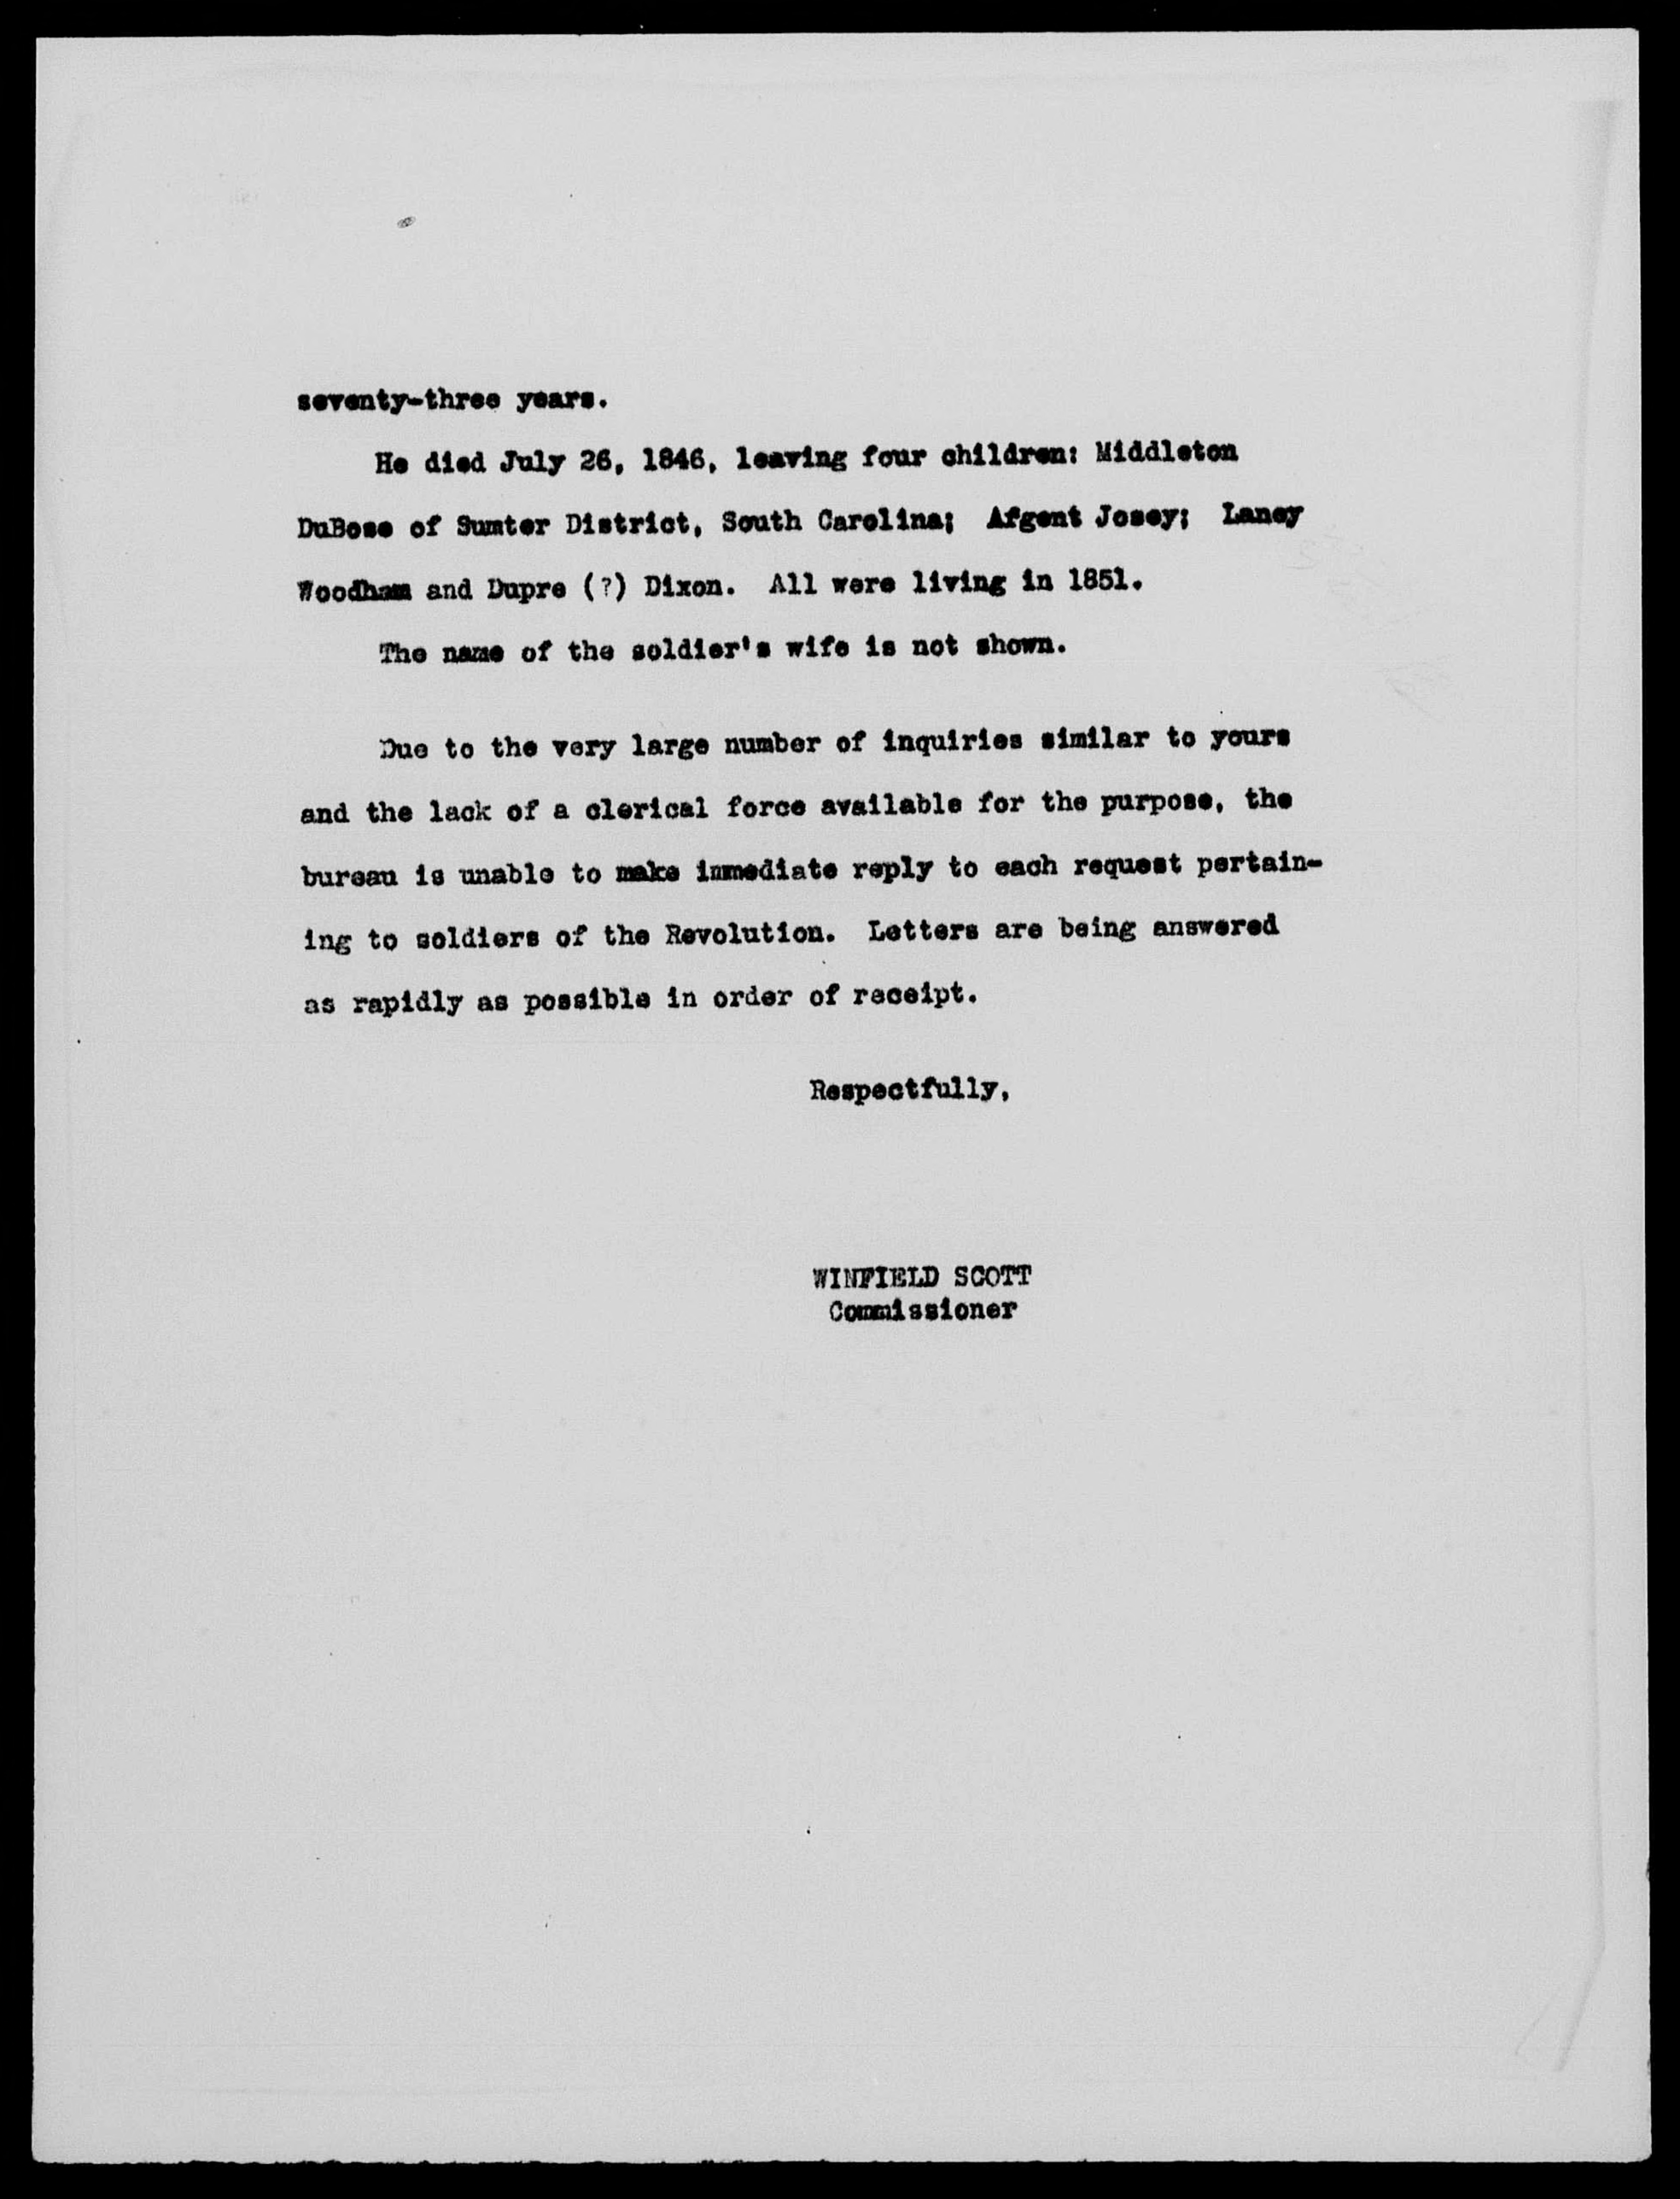[typed]

seventy-three years.

He died July 26, 1846, leaving four children: Middleton DuBose of Sumter District, South Carolina; Afgent Jesey; Laney Woodham and Dupre (?) Dixon. All were living in 1851.

The name of the soldier's wife is not shown.

Due to the very large number of inquiries similar to yours and the lack of a clerical force available for the purpose, the bureau is unable to make immediate reply to each request pertaining to soldiers of the Revolution. Letters are being answered as rapidly as possible in order of receipt.
Respectfully,


WINFIELD SCOTT
Commissioner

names: Winfield Scott, Argent Josey, Laney Woodham, Dupre Dixon, Middleton Du Bose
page: 43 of 43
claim: survivor's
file: S. 21163, Peter Dubose, S.C.